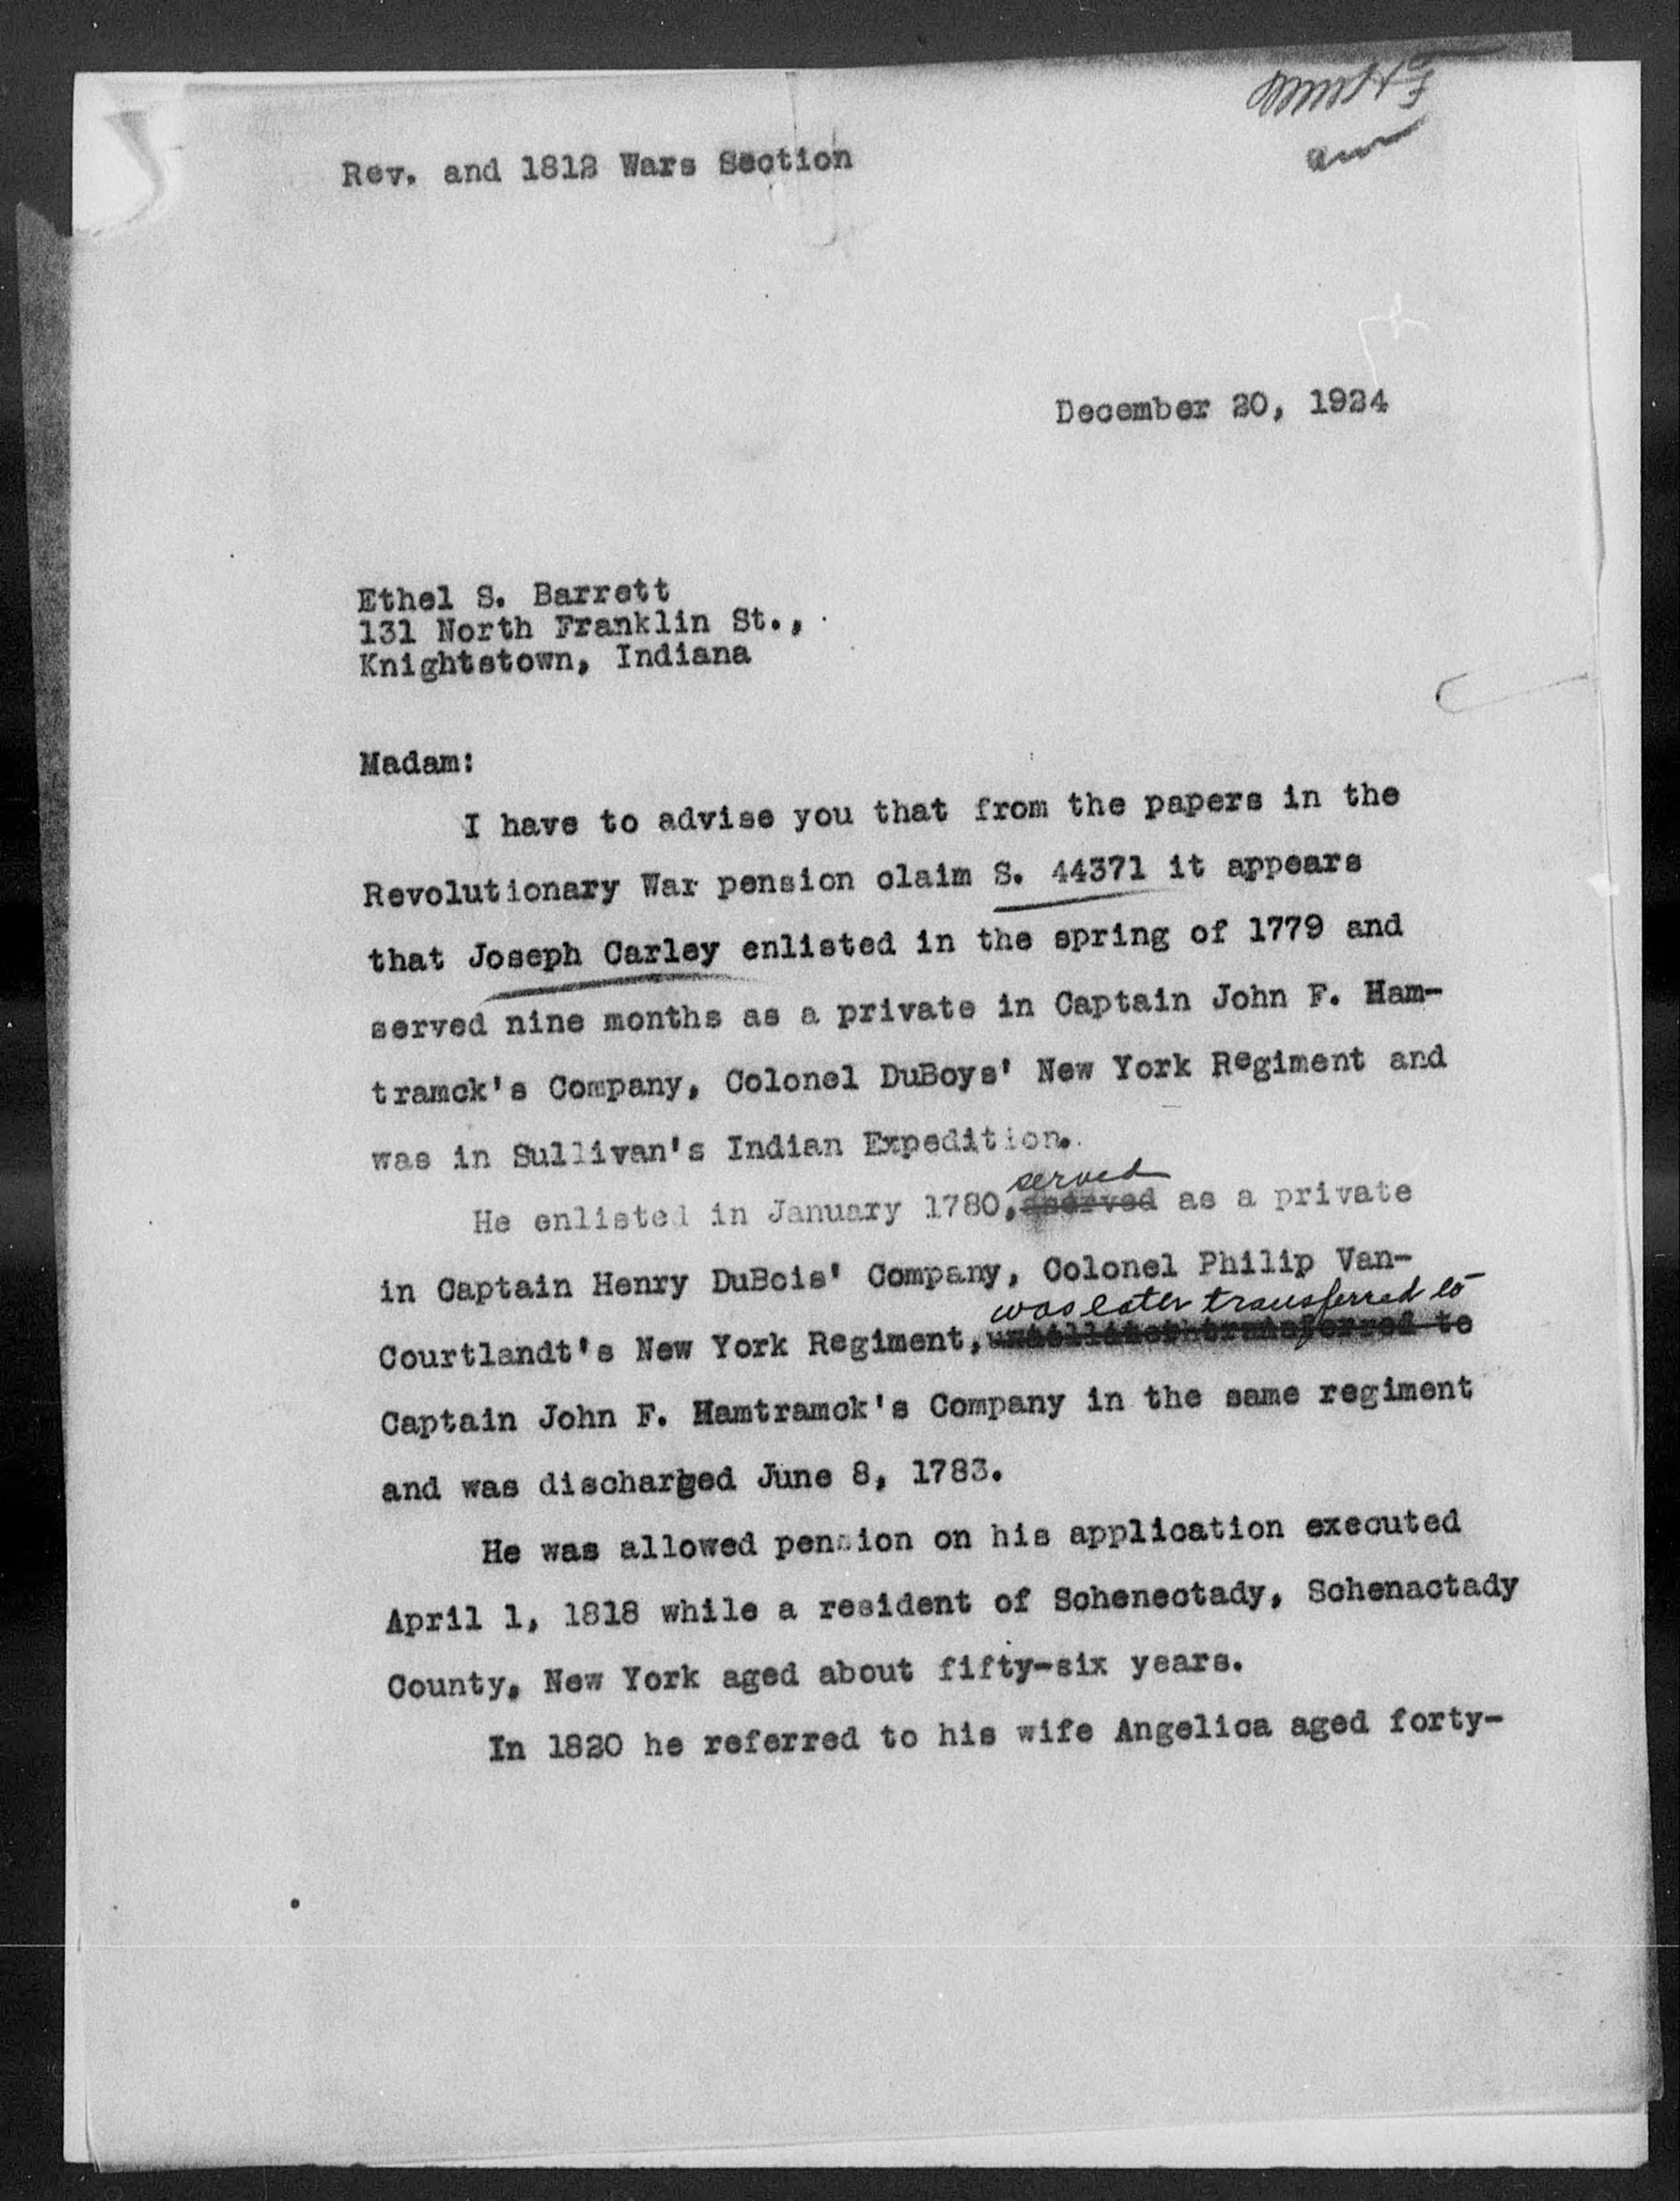Rev. and 1812 Wars Section

December 20, 1924

Ethel S. Barrett
131 North Franklin St.,
Knightstown, Indiana

Madam:

I have to advise you that from the papers in the Revolutionary War pension claim S.44371 it appears that Joseph Carley enlisted in the spring of 1779 and served nine months as a private in Captain John F. Hamtramck's Company, Colonel DuBoy's New York Regiment and was in Sullivan's Indian Expedition.

He enlisted in January 1780, served as a private in Captain Henry Dubois' Company, Colonel Philip Van Courtlandt's New York Regiment, was later transferred to Captain John F. Hamtramck's Company in the same regiment and was discharged June 8, 1783.
He was allowed pension on his application executed April 1, 1818 while a resident of Schenectady, Schenectady County, New York, aged about fifty-six years.
In 1820 he referred to his wife Angelica aged forty-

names: Ethel S Barrett, Joseph Carley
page: 10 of 16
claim: survivor's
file: S. 44371, Joseph Carley, New York.